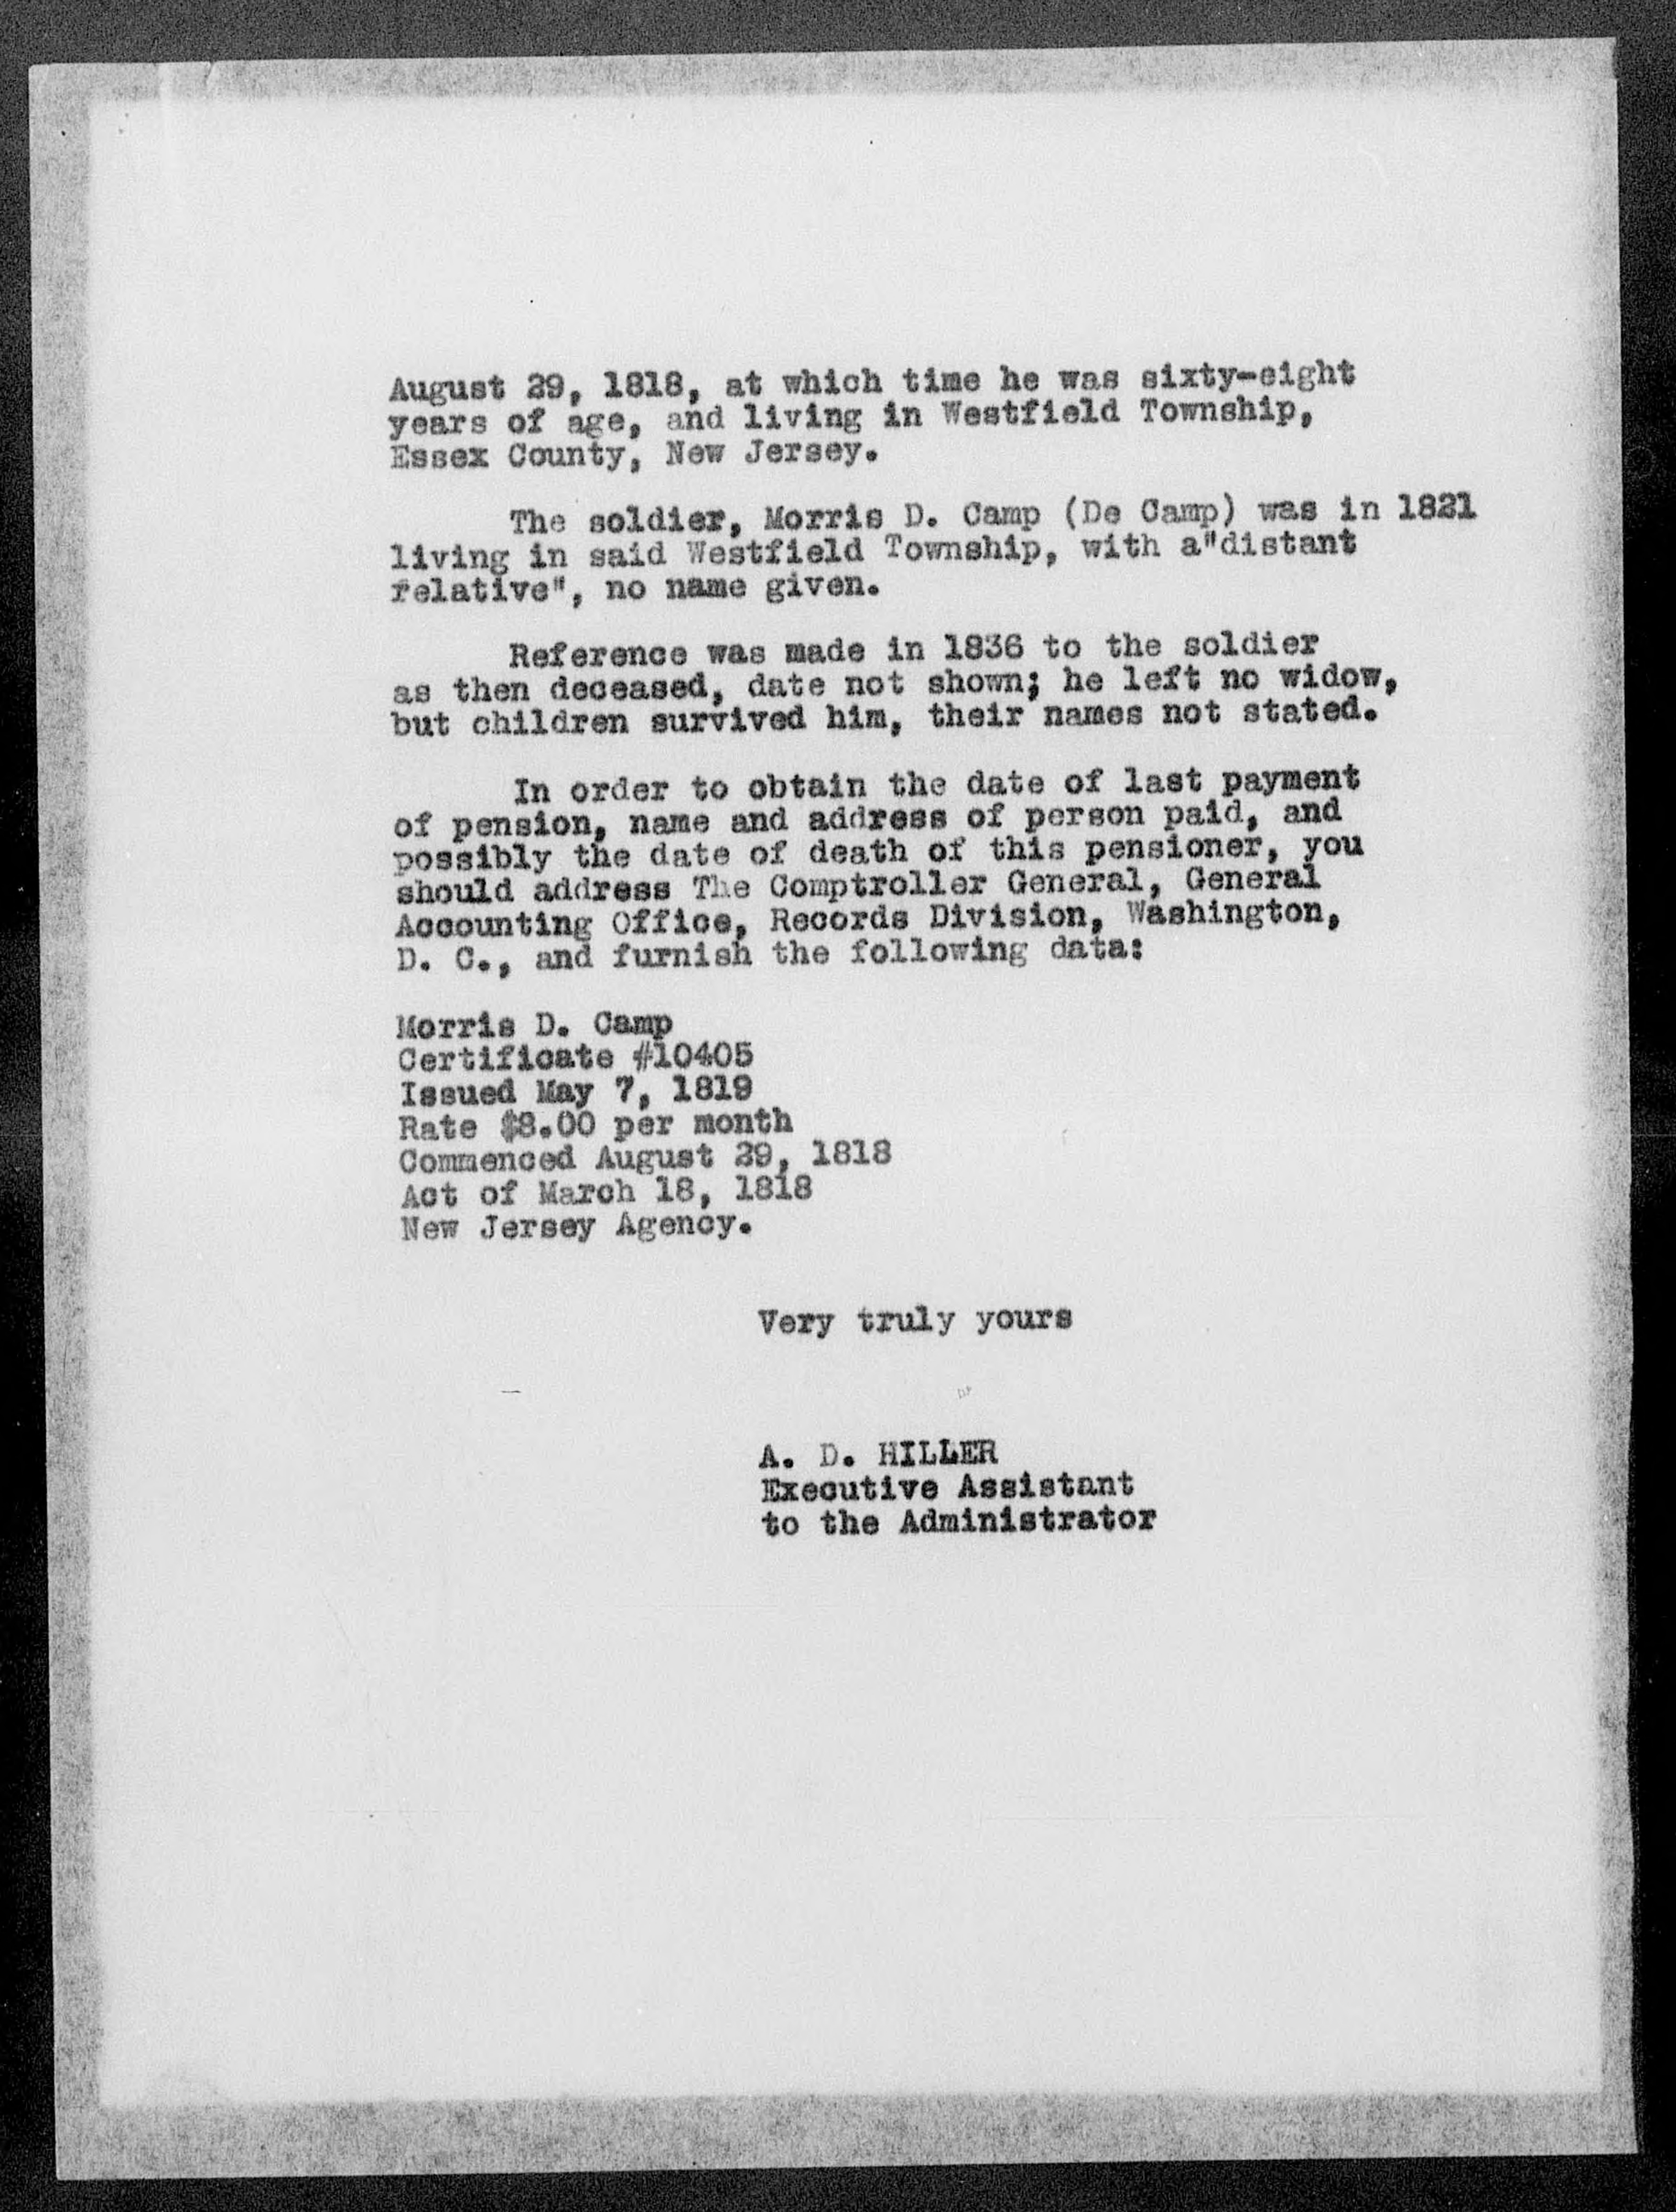August 29, 1818, at which time he was sixty-eight years of age, and living in Westfield Township, Essex County, New Jersey.

The soldier, Morris D. Camp (De Camp) was in 1821 living in said Westfield Township, with a "distant relative," no name given.

Reference was made in 1836 to the soldier
as then deceased, date not shown; he left no widow, but children survived him, their names not stated.

In order to obtain the date of last payment
of pension, name and address of person paid, and possibly the date of death of this pensioner, you should address The Comptroller General, General Accounting Office, Records Division, Washington, D. C., and furnish the following data:

Morris D. Camp
Certificate #10405
Issued May 7, 1819
Rate $8.00 per month
Commenced August 29, 1818
Act of March 18, 1818
New Jersey Agency.

Very truly yours

A. D. HILLER
Executive Assistant
to the Administrator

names: Morris D Camp, Morris D De Camp, A D Hiller, Morris D Camp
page: 20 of 52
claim: survivor's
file: S. 34172, Morris D Camp, Continental (New Jersey)